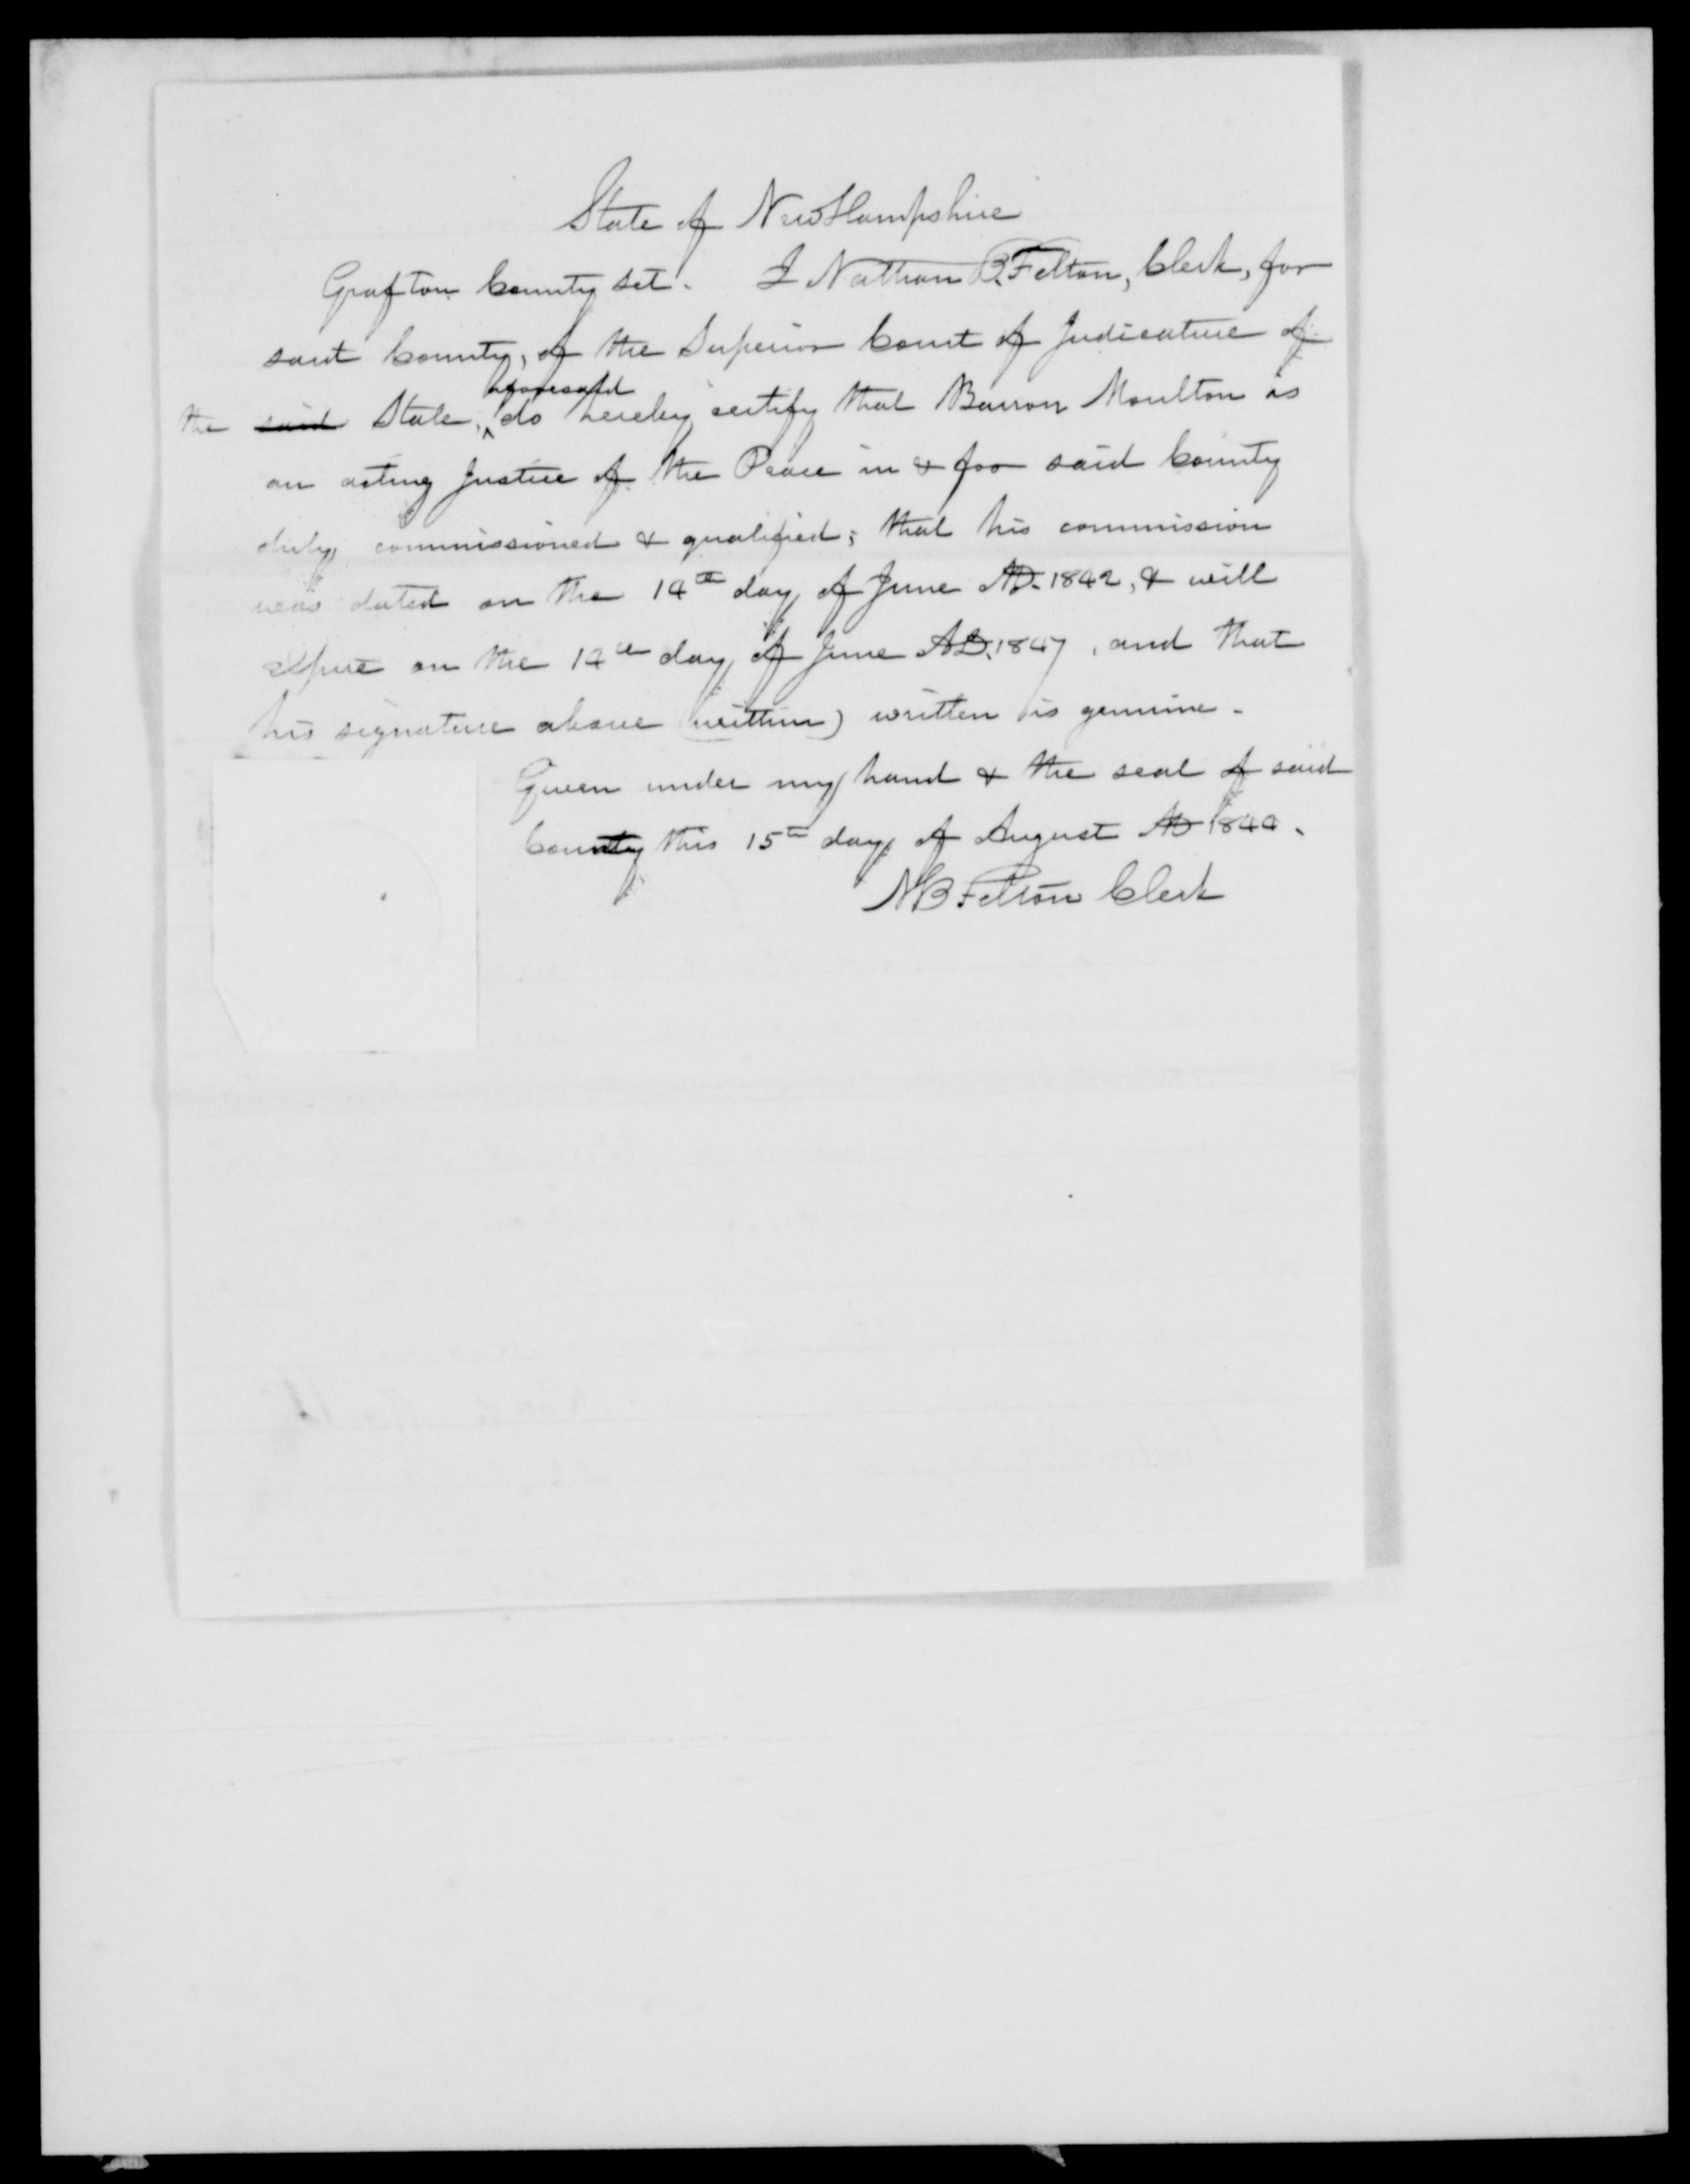State of New Hampshire
Grafton County Set. I Nathan B Felton, Clerk, for
said County, of the Superior Court of Judicature of
the State aforesaid do hereby certify that Barron Moulton is
an acting Justice of the Peace in & for said County
duly commissioned & qualified; that his commission
was dated on the 14th day of June AD. 1842, & will expire on the 14th day of June AD. 1847, and that
his signature above within written is genuine.
Given under my hand & the seal of said
County this 15th day of August AD 1844
NB Felton Clerk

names: Barron Moulton, Nathan B Felton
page: 35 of 78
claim: widow's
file: W. 25856, Samuel Way, N.H.